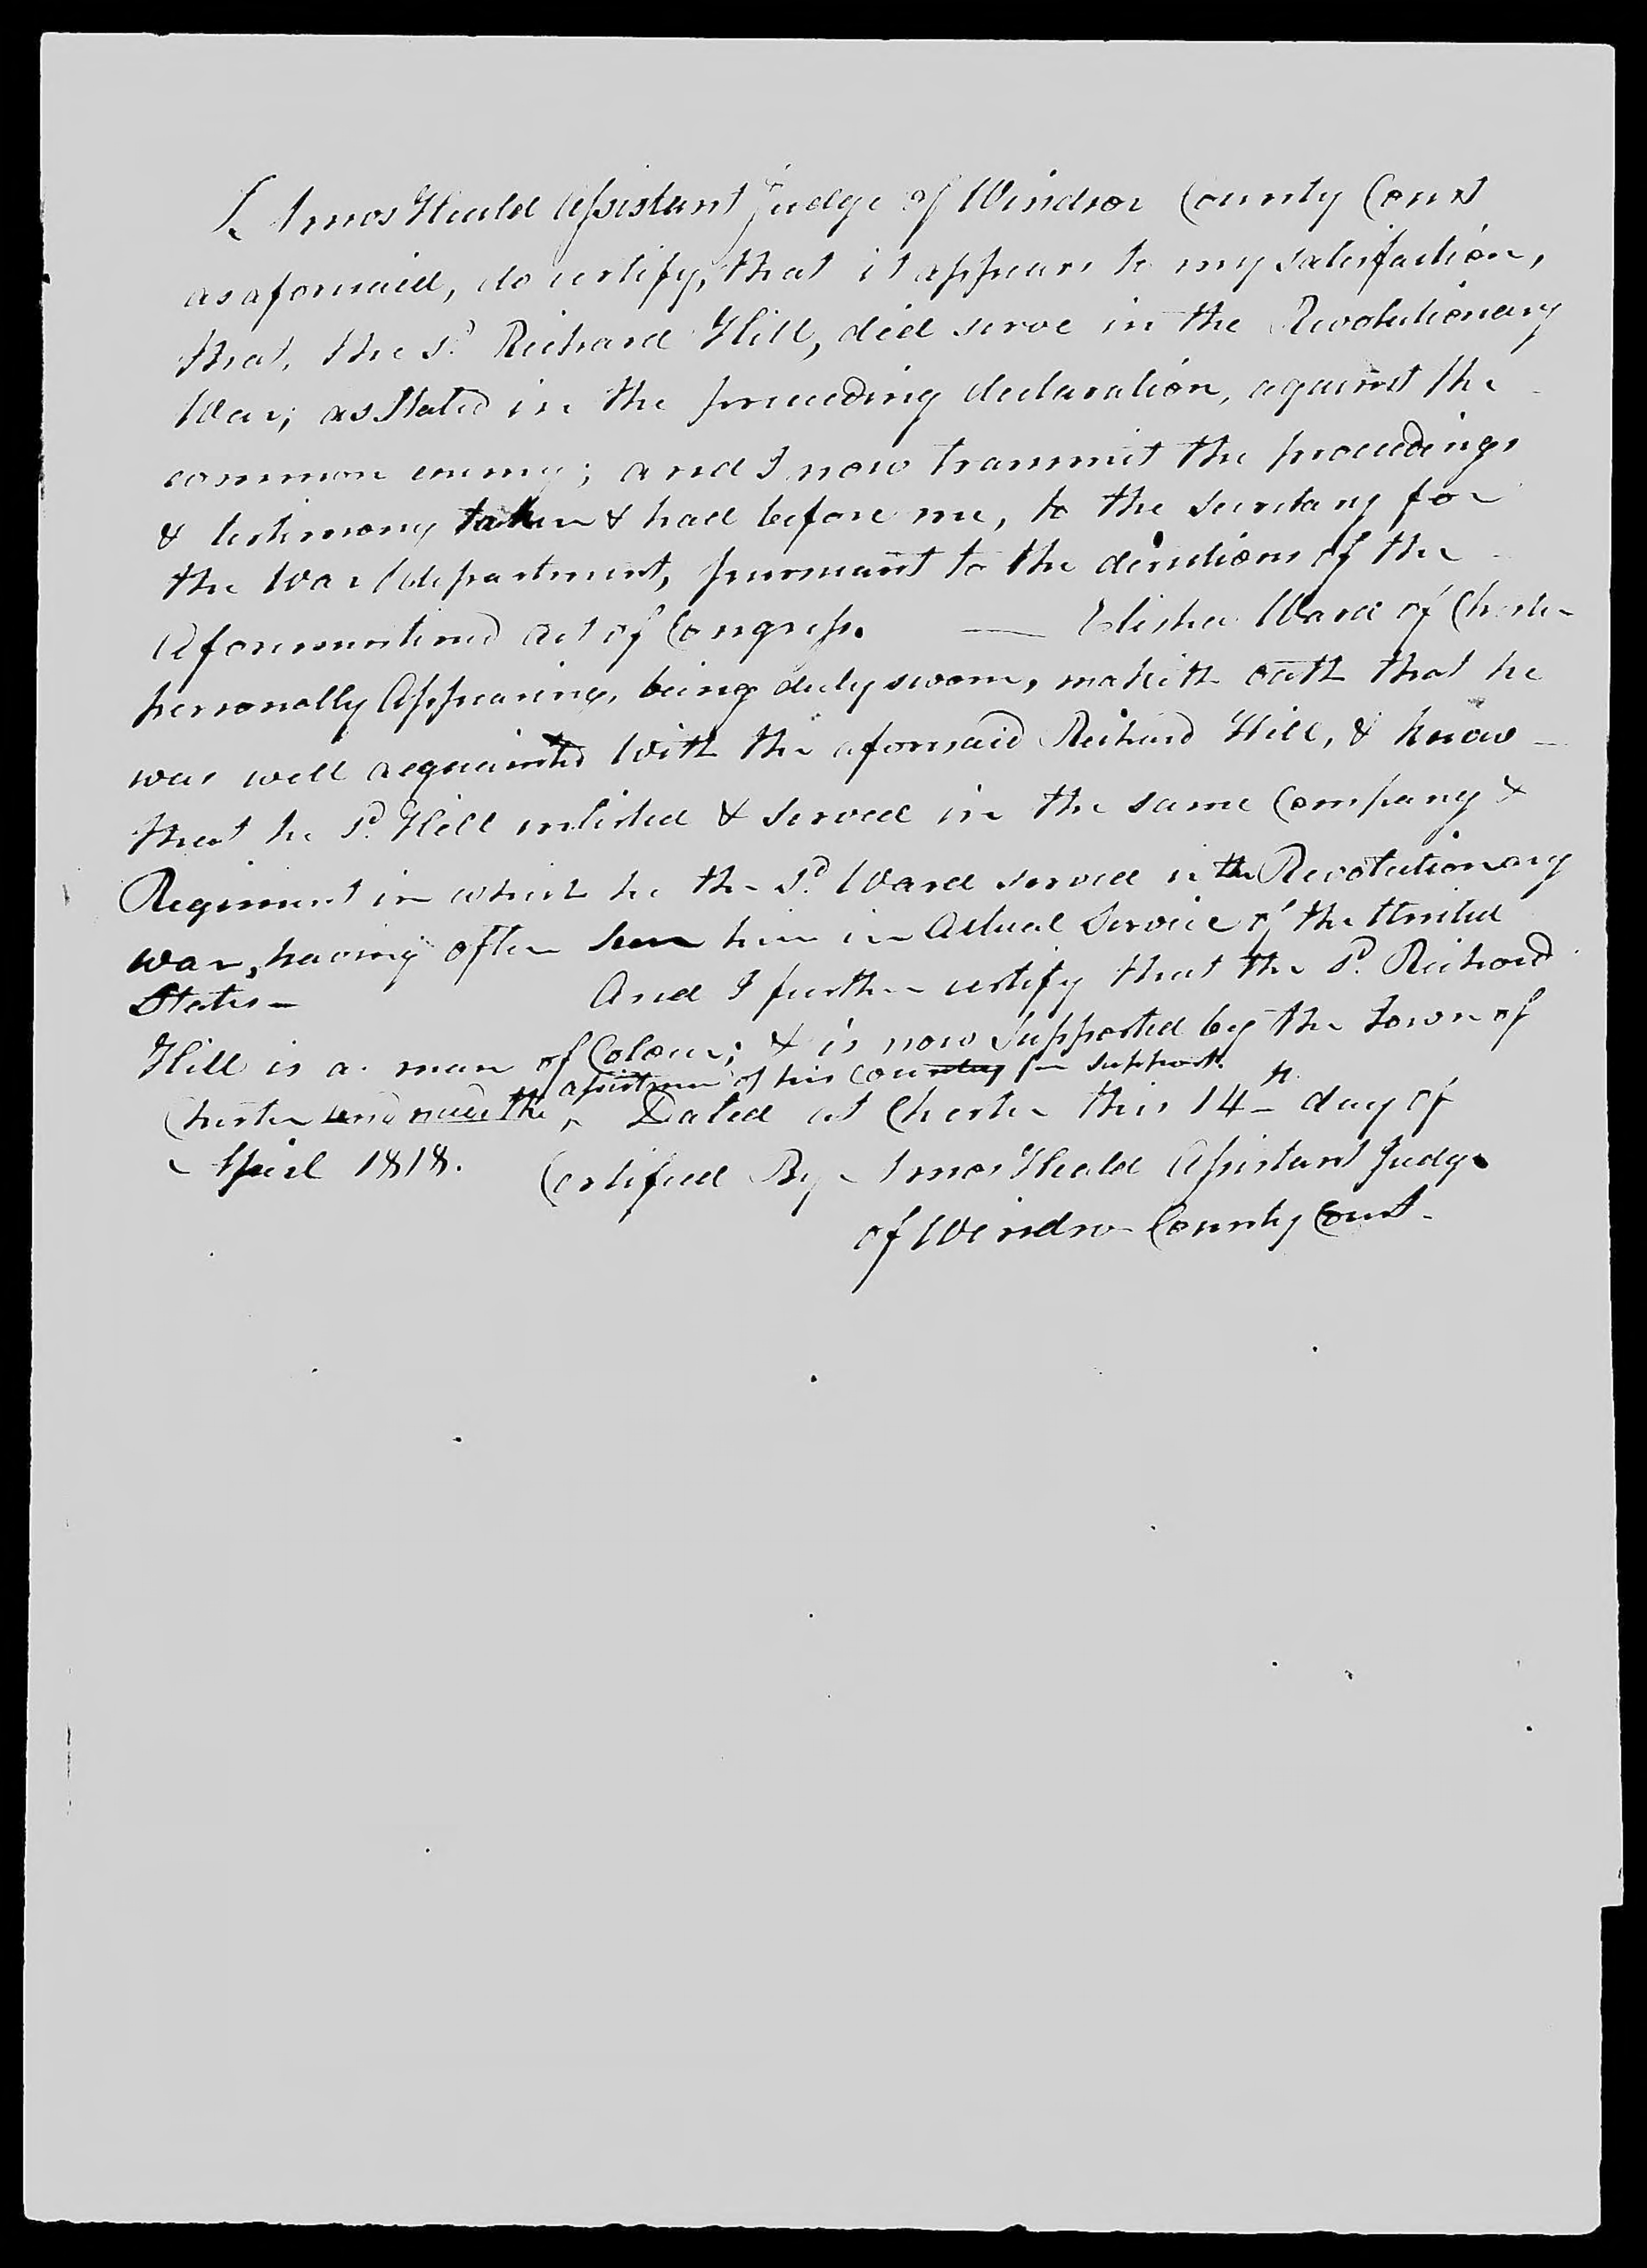I Amos Heald assistant Judge of Windsor County Court
aforesaid, do certify that it appears to my satisfaction
that, said Richard Hill, did serve in the Revolutionary
War, as stated in the foregoing declaration, against the
common enemy; and I now transmit the proceedings
& testimony taken & have before me, to the secretary for
the War Department, pursuant to the directions of the
Reformation Act of Congress. Elisha Ward of Chester
personally appearing, being duly sworn, makith oath that he
was well acquainted with the aforesaid Richard Hill, & know
that sd. [said] R. Hill enlisted & served in the same company &
Regiment in which sd. the E. Ward served in the Revolutionary
War, having often near him in actual service to the United
States. And I forthwith certify that the  sd. Richard
Hill is a man of color; & is now supported by the Town of
Chester and needs the assistance of his country for support.
Dated at Chester this 14th day of
April 1818.
Certified by Amos Heald Assistant Judge
of Windsor County Court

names: Richard Hill, Hill, Elisha Ward, Richard Hill, Amos Heald, Amos Heald, Richard Hill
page: 6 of 7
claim: survivor's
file: S 39,687, Richard Hill, Mass.